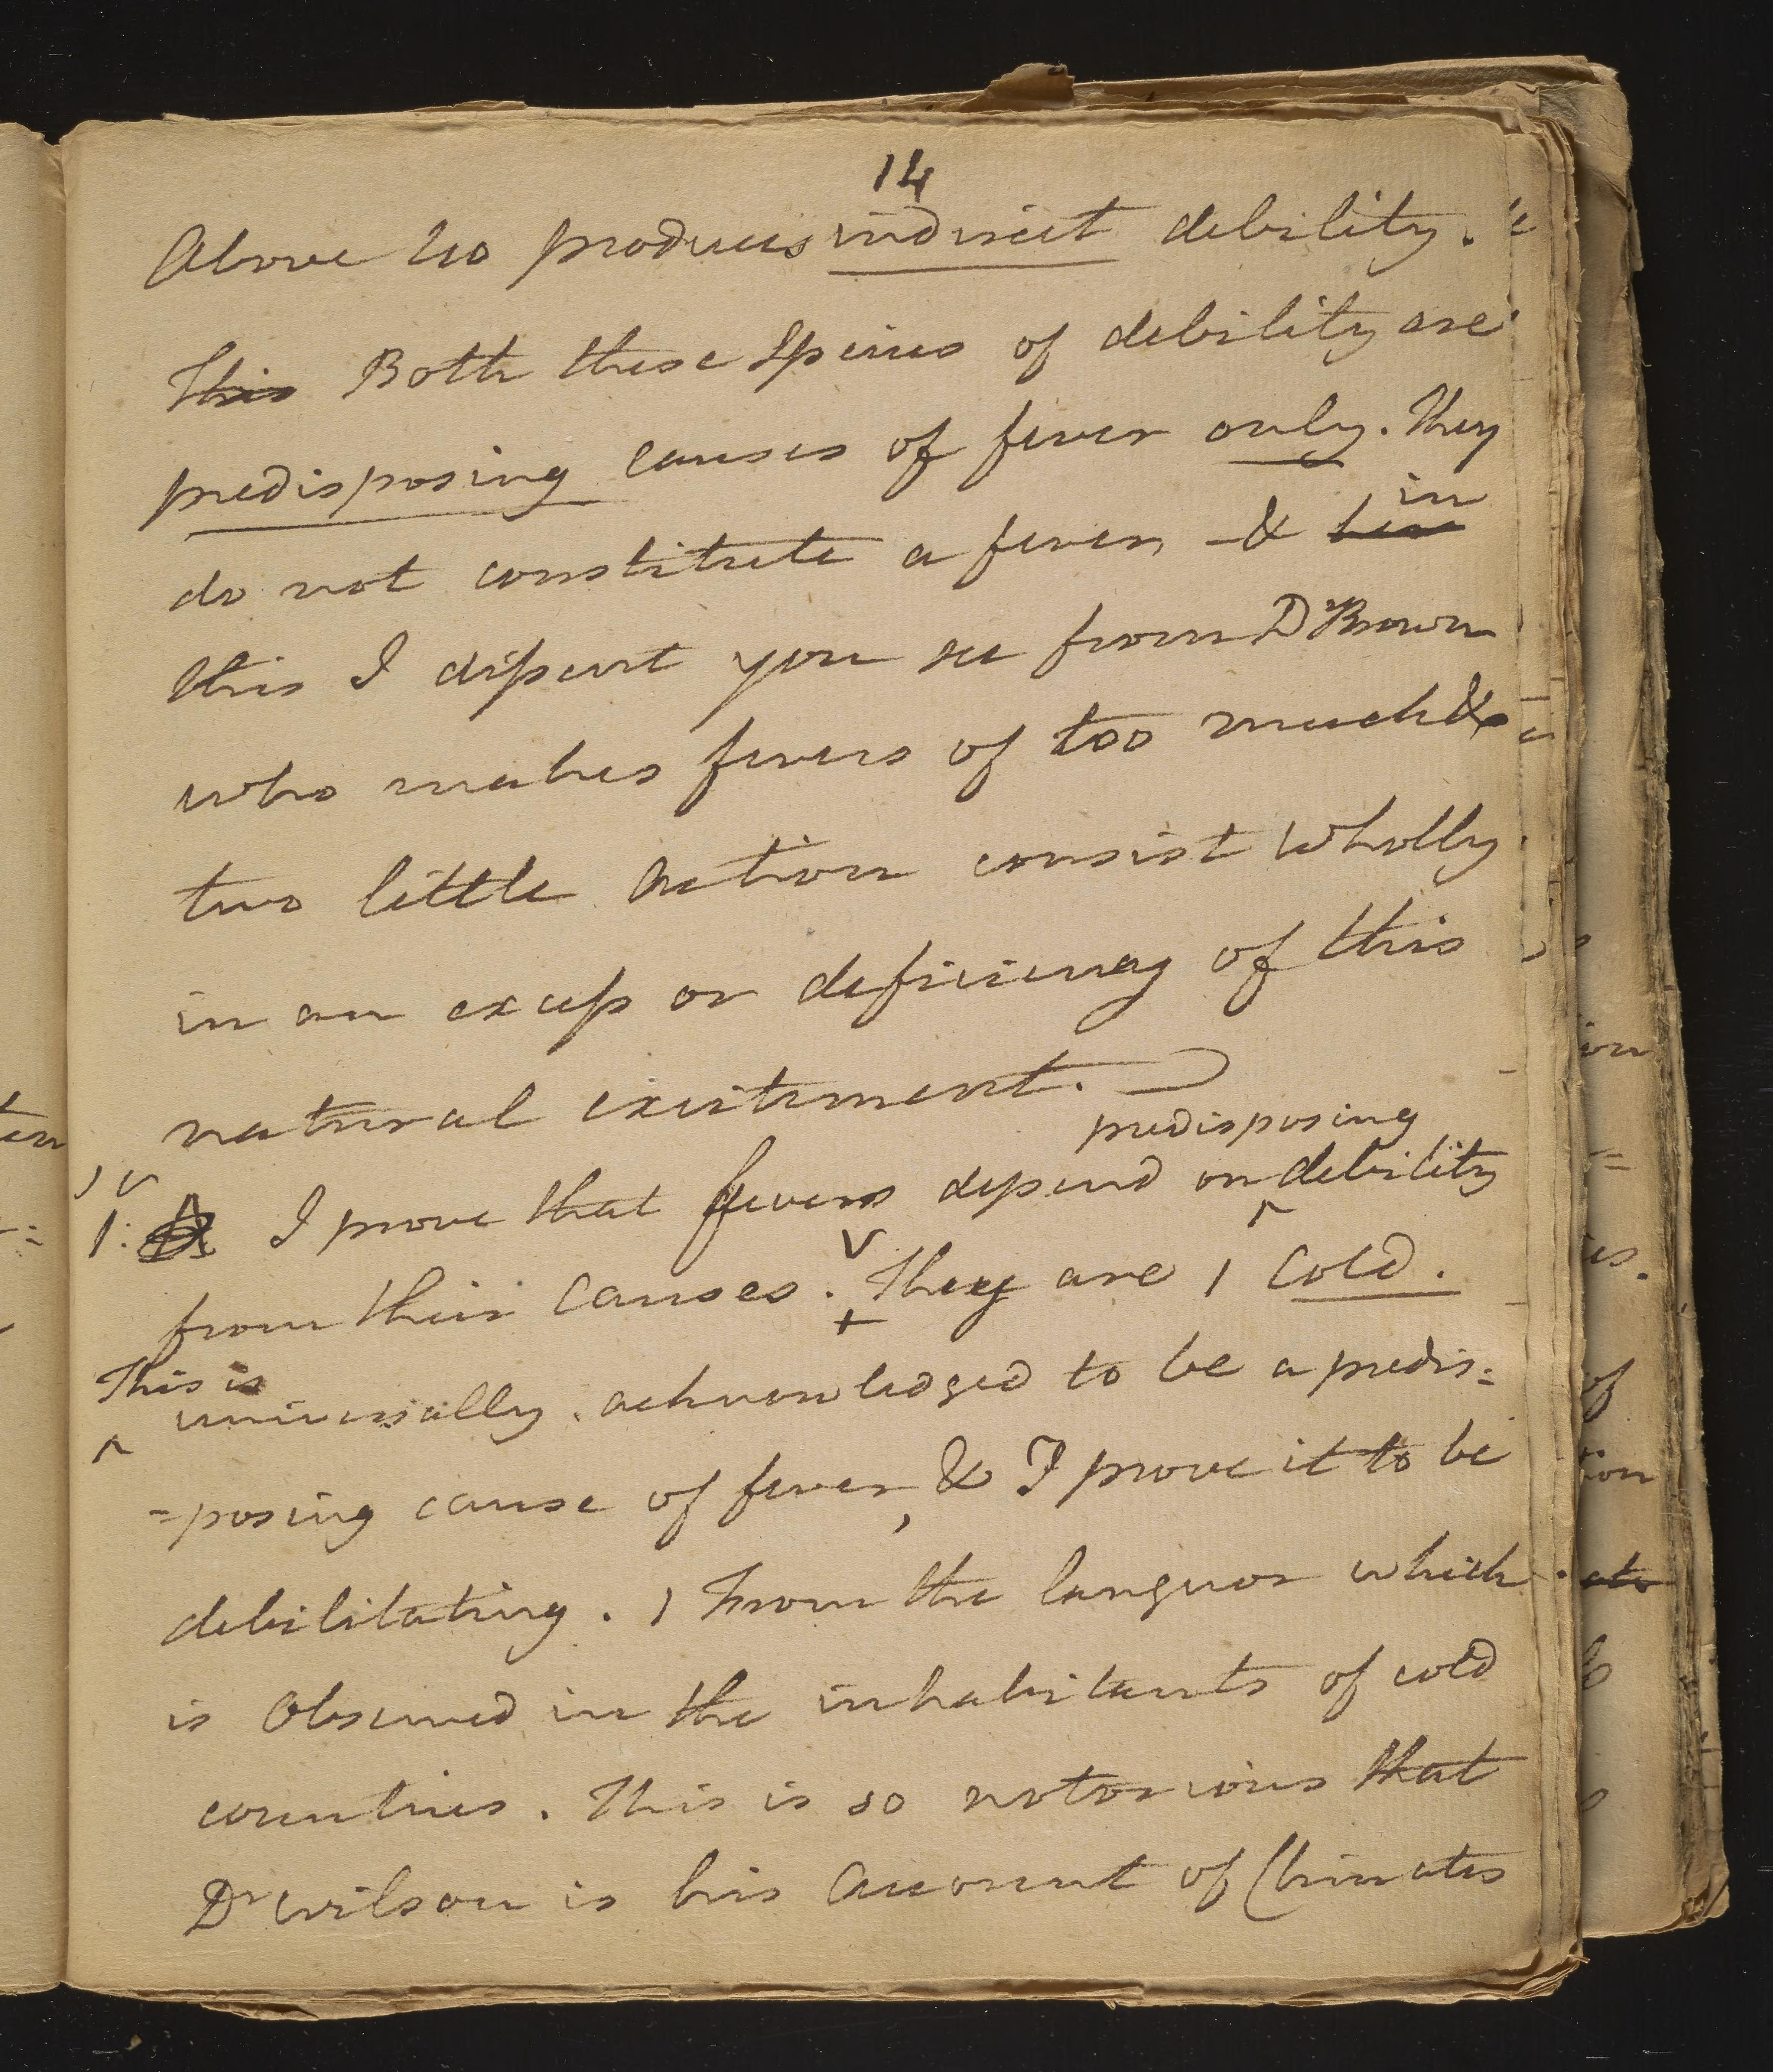14
Above no produces indirect debility.
[This] Both these species of debility are
predisposing causes of fever only. They
in
do not constitute a fever & [___]
this I dissent you re from D^r Brown
who makes fevers of too much &
too little action consist wholly
in an excess or deficiency of this
natural excitement.
IV
predisposing
IV I prove that fevers depend on ^ debility
from their causes. ^Vt They are, cold.
This is
^ universally acknowledged to be a predis-
-posing cause of fever, & I prove it to be
debilitating. 1 From the langour which
is observed in the inhabitants of cold
countries. This is so notorious that
D^r Wilson in his Account of Climates